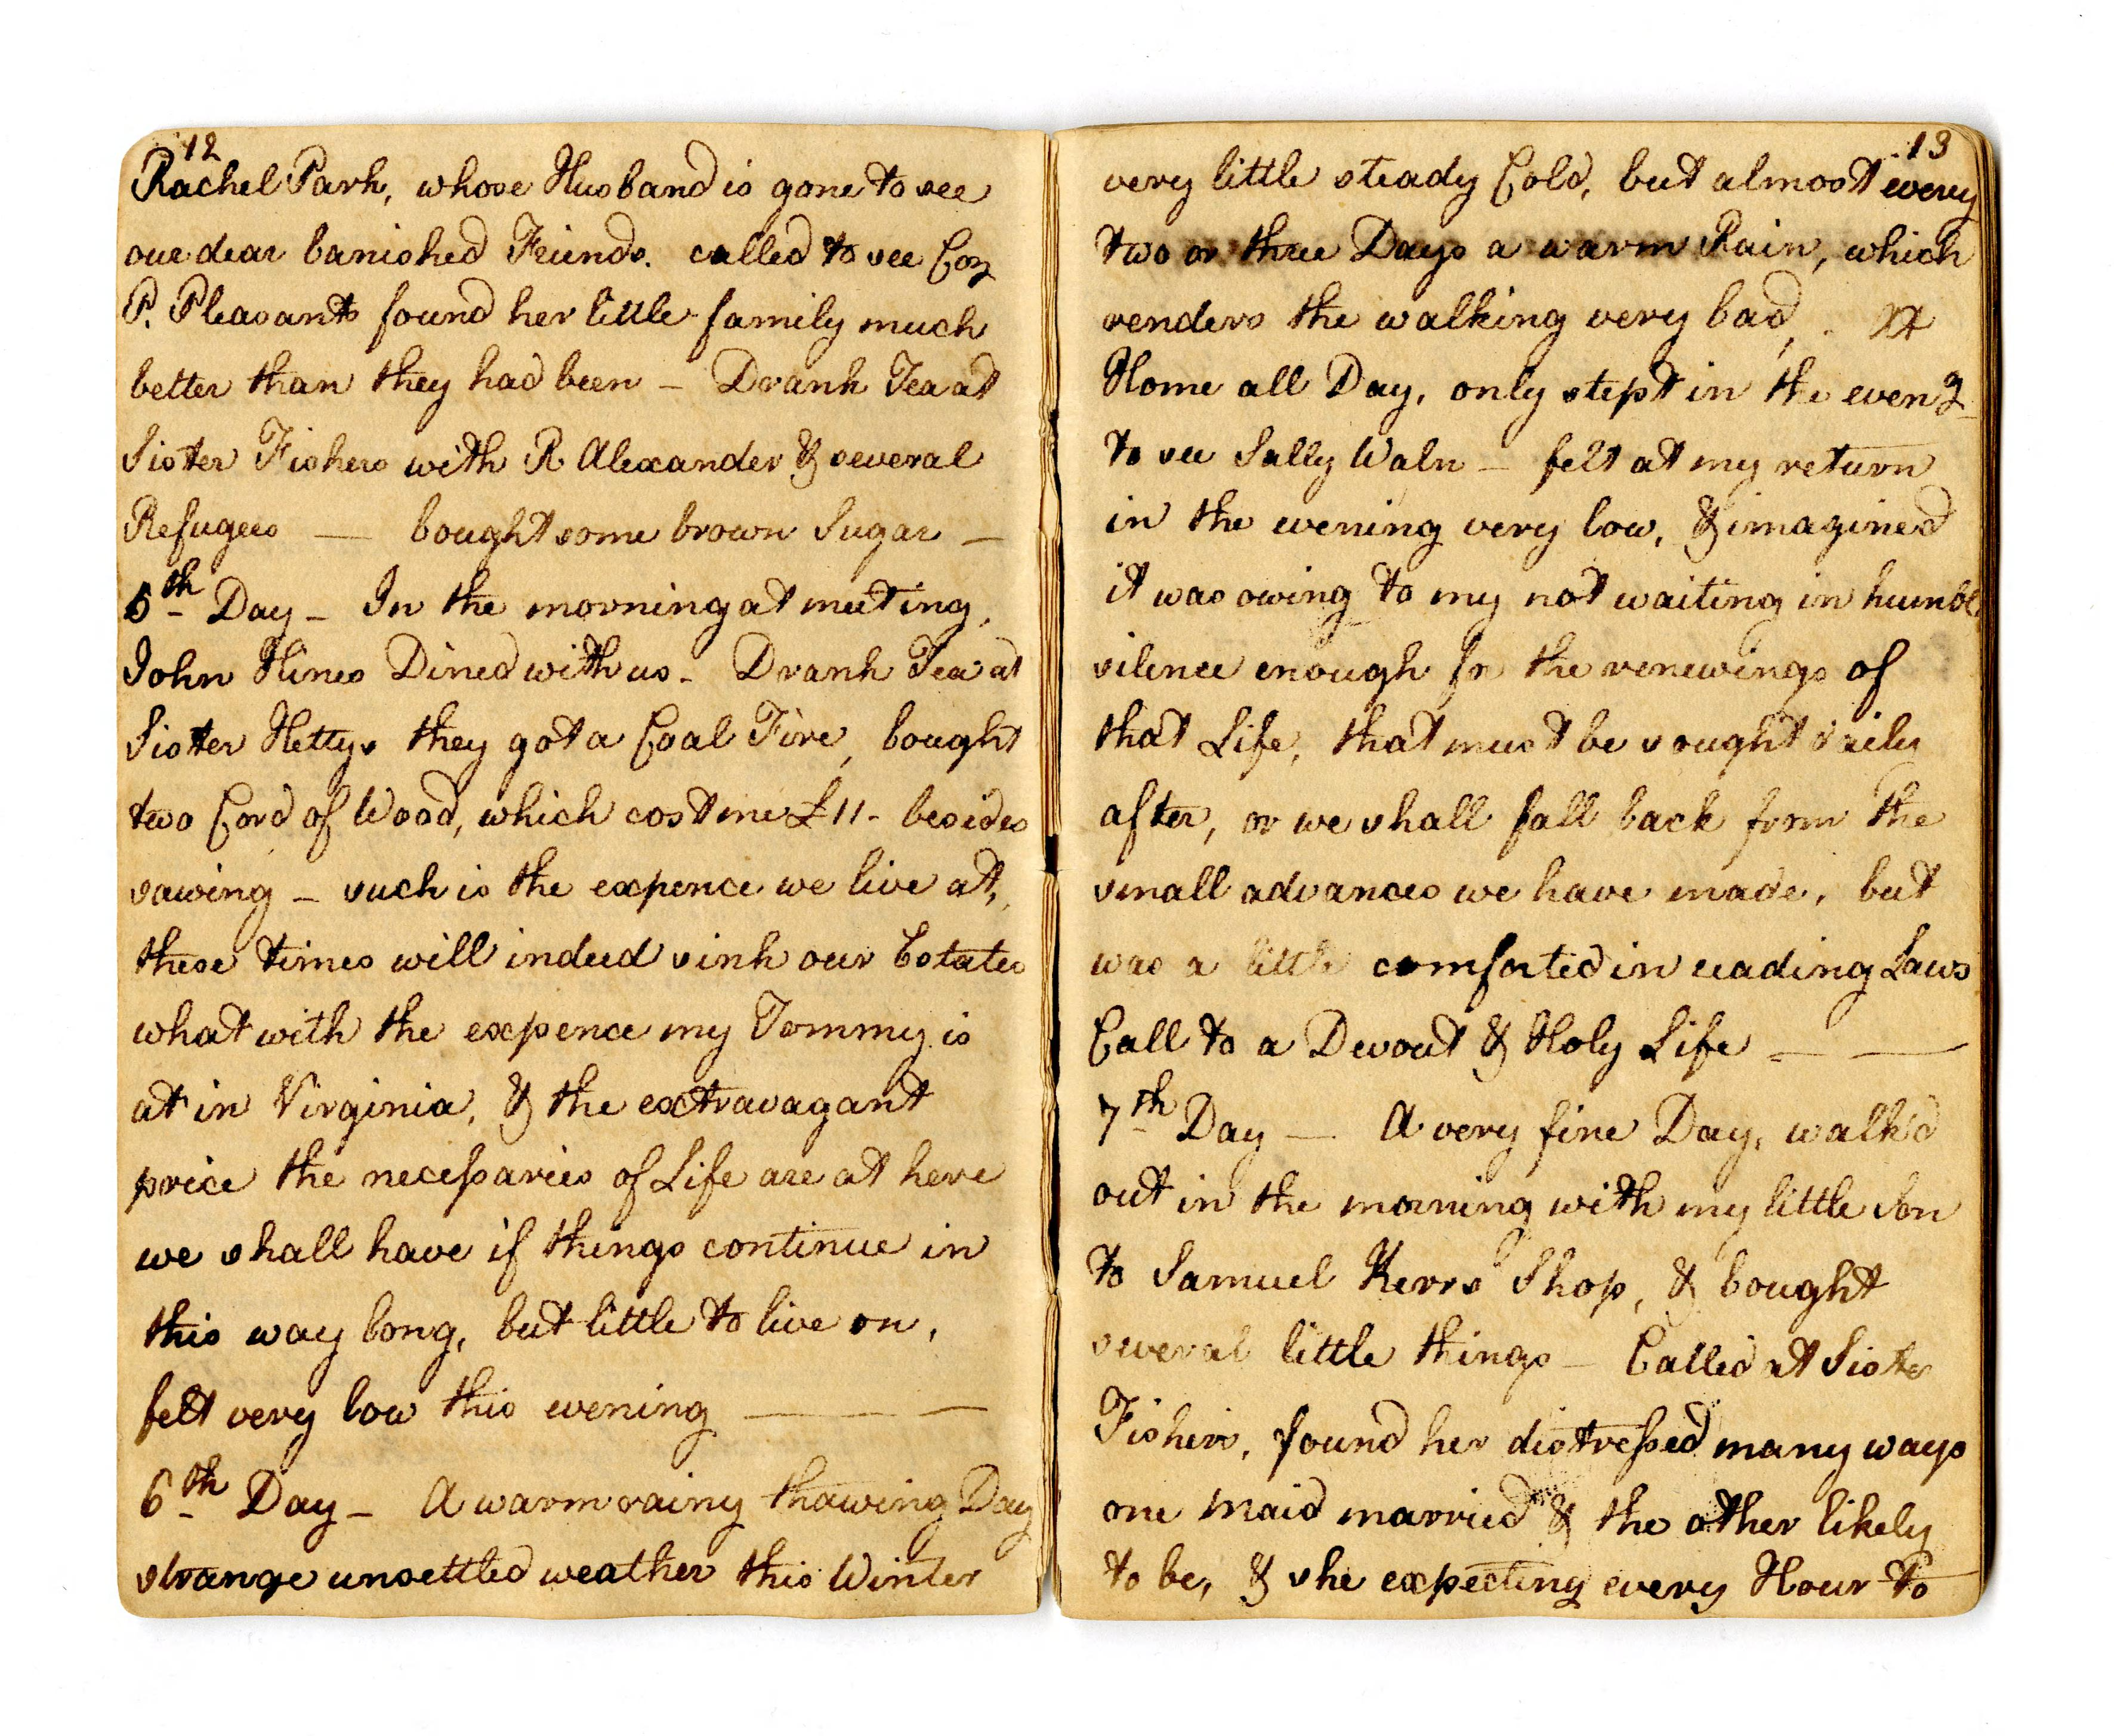12
Rachel Park, whose Husband is gone to see
our dear banished Friends. called to see Coz
P. Pleasants found her little family much
better than they had been- Drank Tea at
Sister Fishers with R Alexander & several
Refugees- bought some brown Sugar-
5^th Day- In the morning at meeting,
John Hines Dined with us- Drank Tea at
Sister Hettys they got a Coal Fire, bought
two Cord of Wood, which cost me [_]11- besides
sawing- such is the expence we live at,
these times will indeed sink our Estates
what with the expence my Tommy is
at in Virginia, & the extravagant
price the necessaries of Life are at here
we shall have if things continue in
this way long, but little to live on,
felt very low this evening-
6^th Day- A warm rainy thawing Day
strange unsettled weather this Winter
13
very little steady Cold, but almost every
two or three Days a warm Rain, which
renders the walking very bad,- At
Home all day, only stept in the even^g
to see Sally Waln- felt at my return
in the evening very low, & imagined
it was owing to my not waiting in humbl
silence enough for the renewings of
that Life, that must be sought daily
after, or we shall fall back from the
small advances we have made, but
was a little comforted in reading Laws
Call to a Devout & Holy Life-
7^th Day- A very fine Day, walk'd
out in the morning with my little Son
to Samuel Kerrs Shop, & bought
several little things- Called at Sister
Fishers, found her distressed many ways
one maid married & the other likely
to be, & she expecting every Hour to